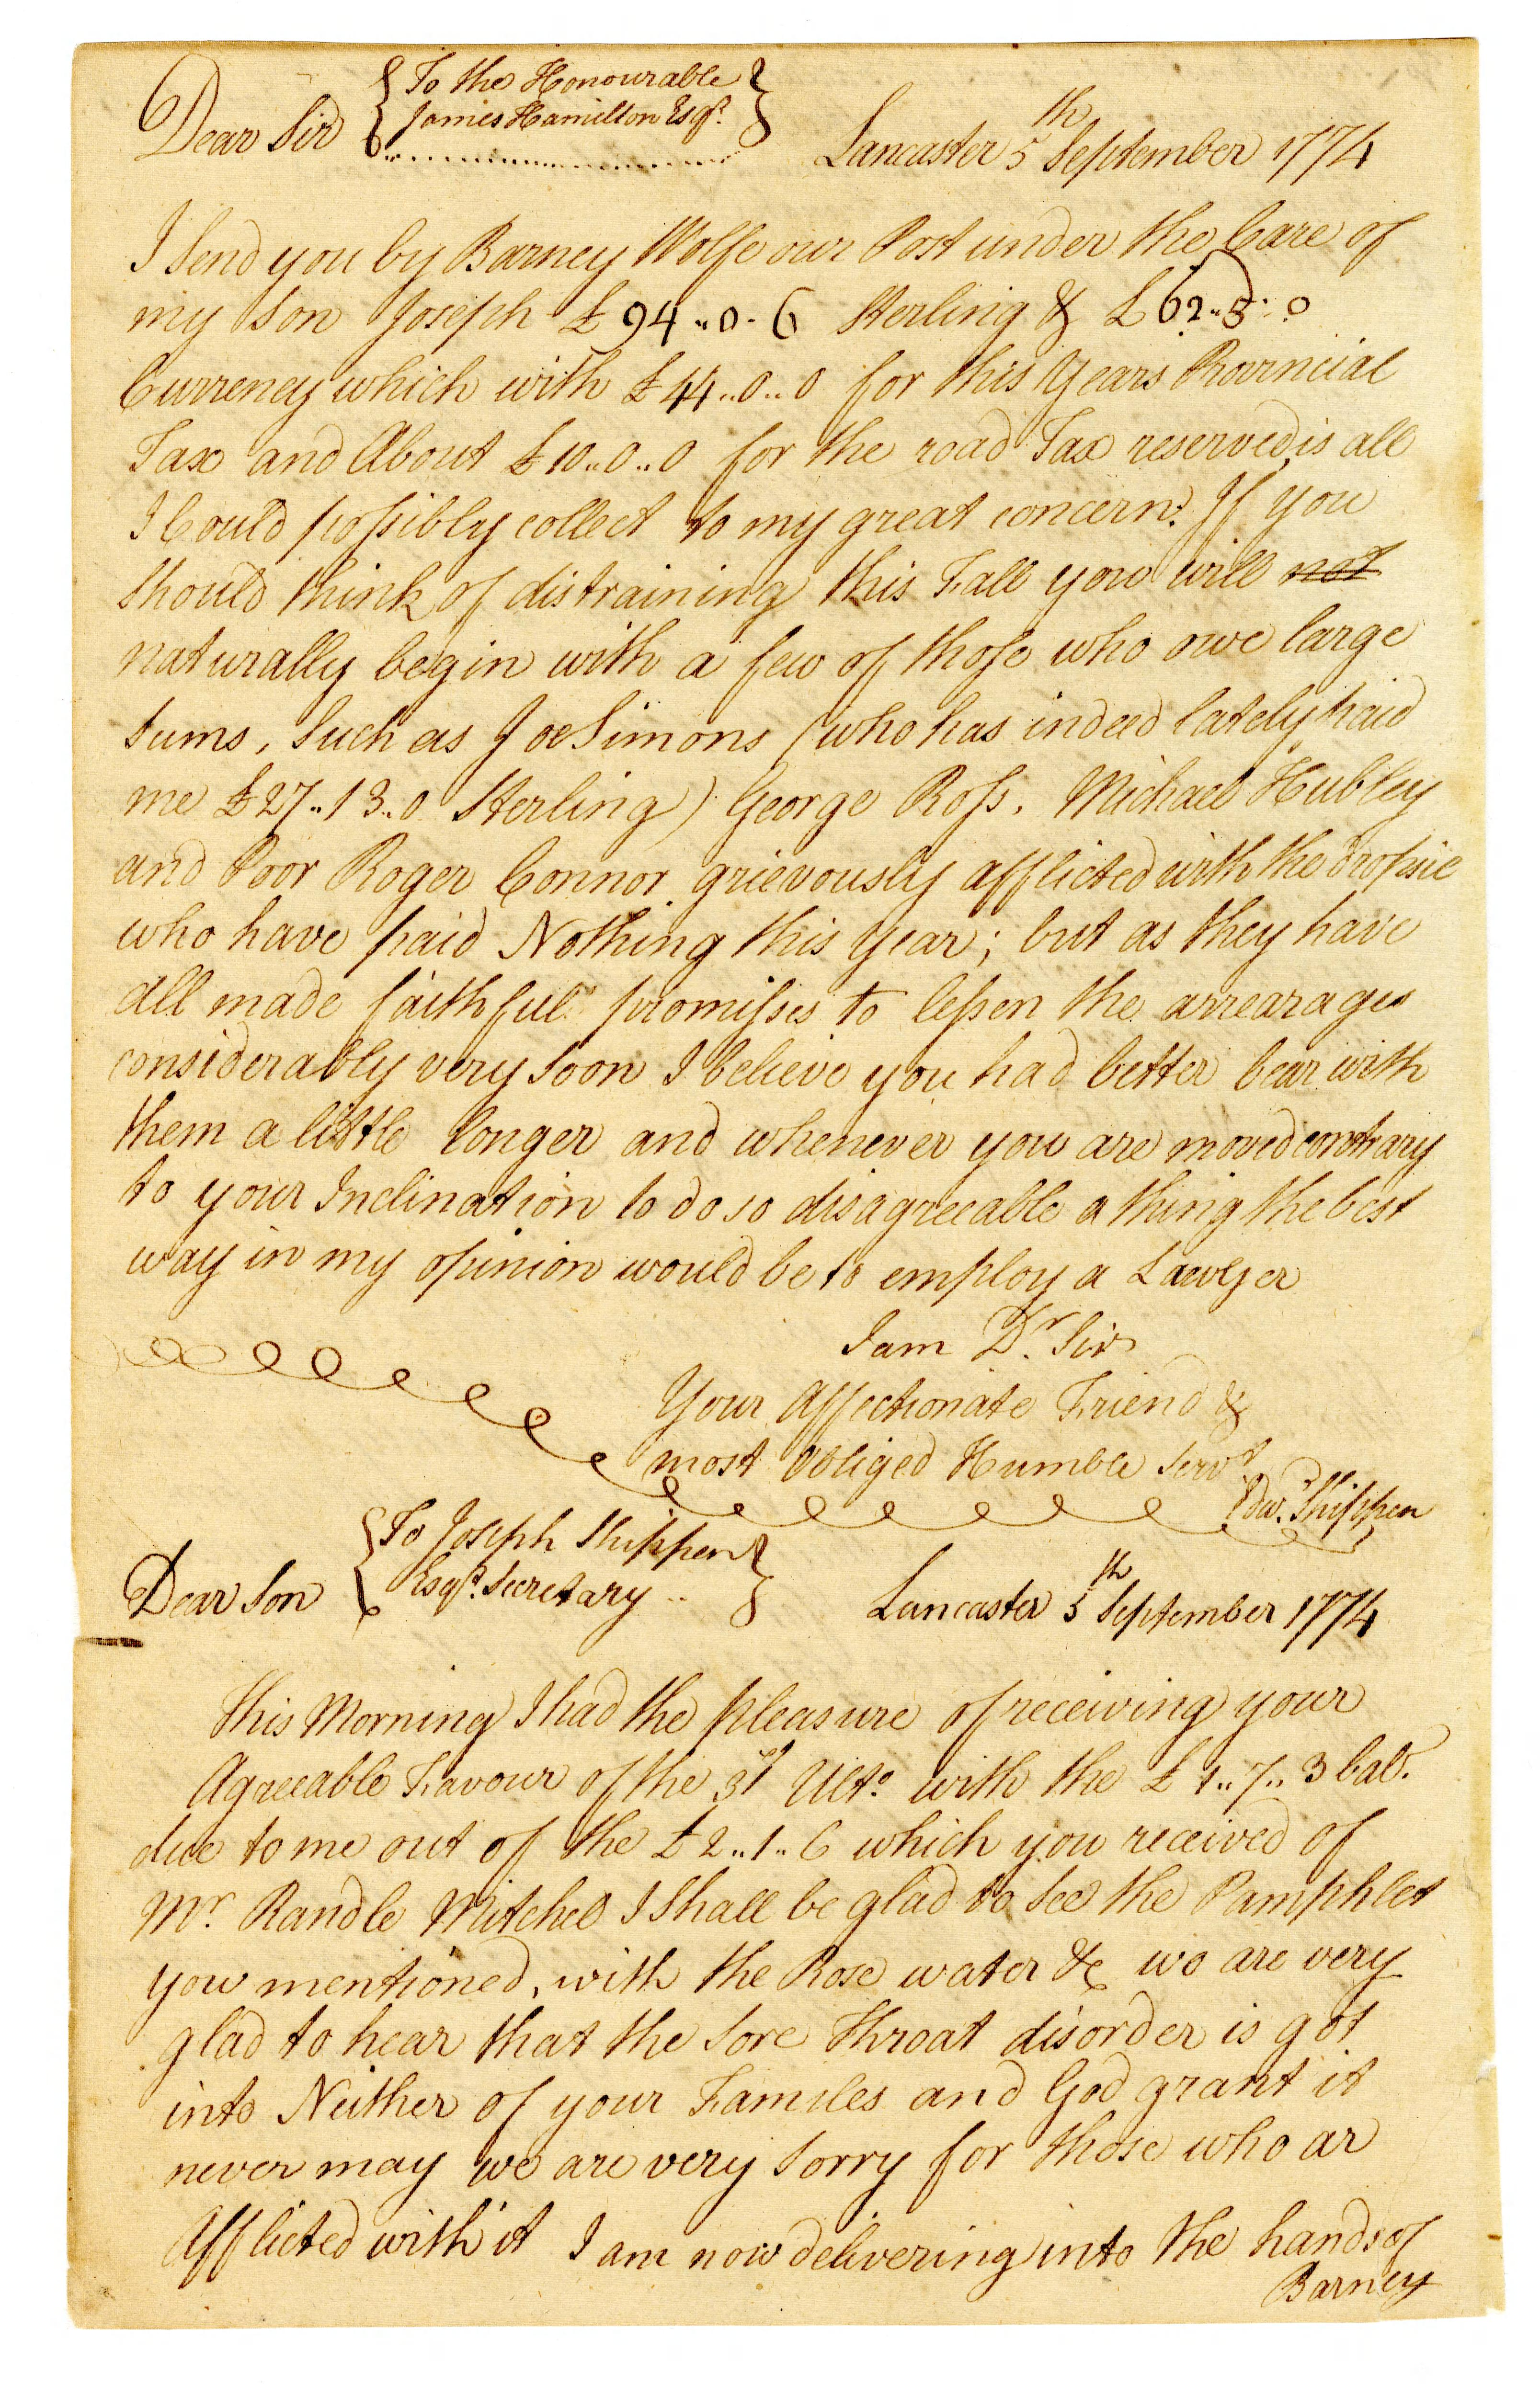To the Honourable
James Hamilton Esq^r.
Lancaster 5^th September 1774
Dear Sir
I send you by Barney Wolfe our Post under the Care of
my Son Joseph £94..0.6 Sterling & £62..5..0
Currency which with £44..0..0 for this Years Provincial
Tax and About £10..0..0 for the road Tax reserved is all
I Could possibly collect to my great concern: If you
should think of distraining this Fall you will [not]
naturally begin with a few of those who owe large
Sums, Such as Joe Simons (who has indeed lately paid
me £27..13..0 Sterling) George Ross. Michael Hubley
and Poor Roger Connor grievously afflicted with the dropsie
who have paid Nothing this Year; but as they have
All made faithful promisses to lessen the arrearages
considerably very Soon I believe you had better bear with
them a little longer and whenever you are moved contrary
to your Inclination to do so disagreeable a thing the best
way in my opinion would be to employ a Lawyer
I am D^r. Sir
Your Affectionate Friend &
most Obliged Humble Serv^t.
Edw^d. Shippen
To Joseph Shippen
Esq^r. Secretary..
Lancaster 3^th September 1774
Dear Son
this Morning I had the pleasure of receiving your
Agreeable Favour of the 31^st Ult^o. with the £1..7.. 3 bal.
did to me out of the £2..1..6 which you received of
M^r. Randle Mitchel I shall be glad to see the Pamphlet,
you mentioned, with the Rose water &c we are very
glad to hear that the Sore Throat disorder is got
into Neither of your Familes and God grant it
never may we are very Sorry for those who ar
Afflicted with it I am now delivering into the hands of
Barney